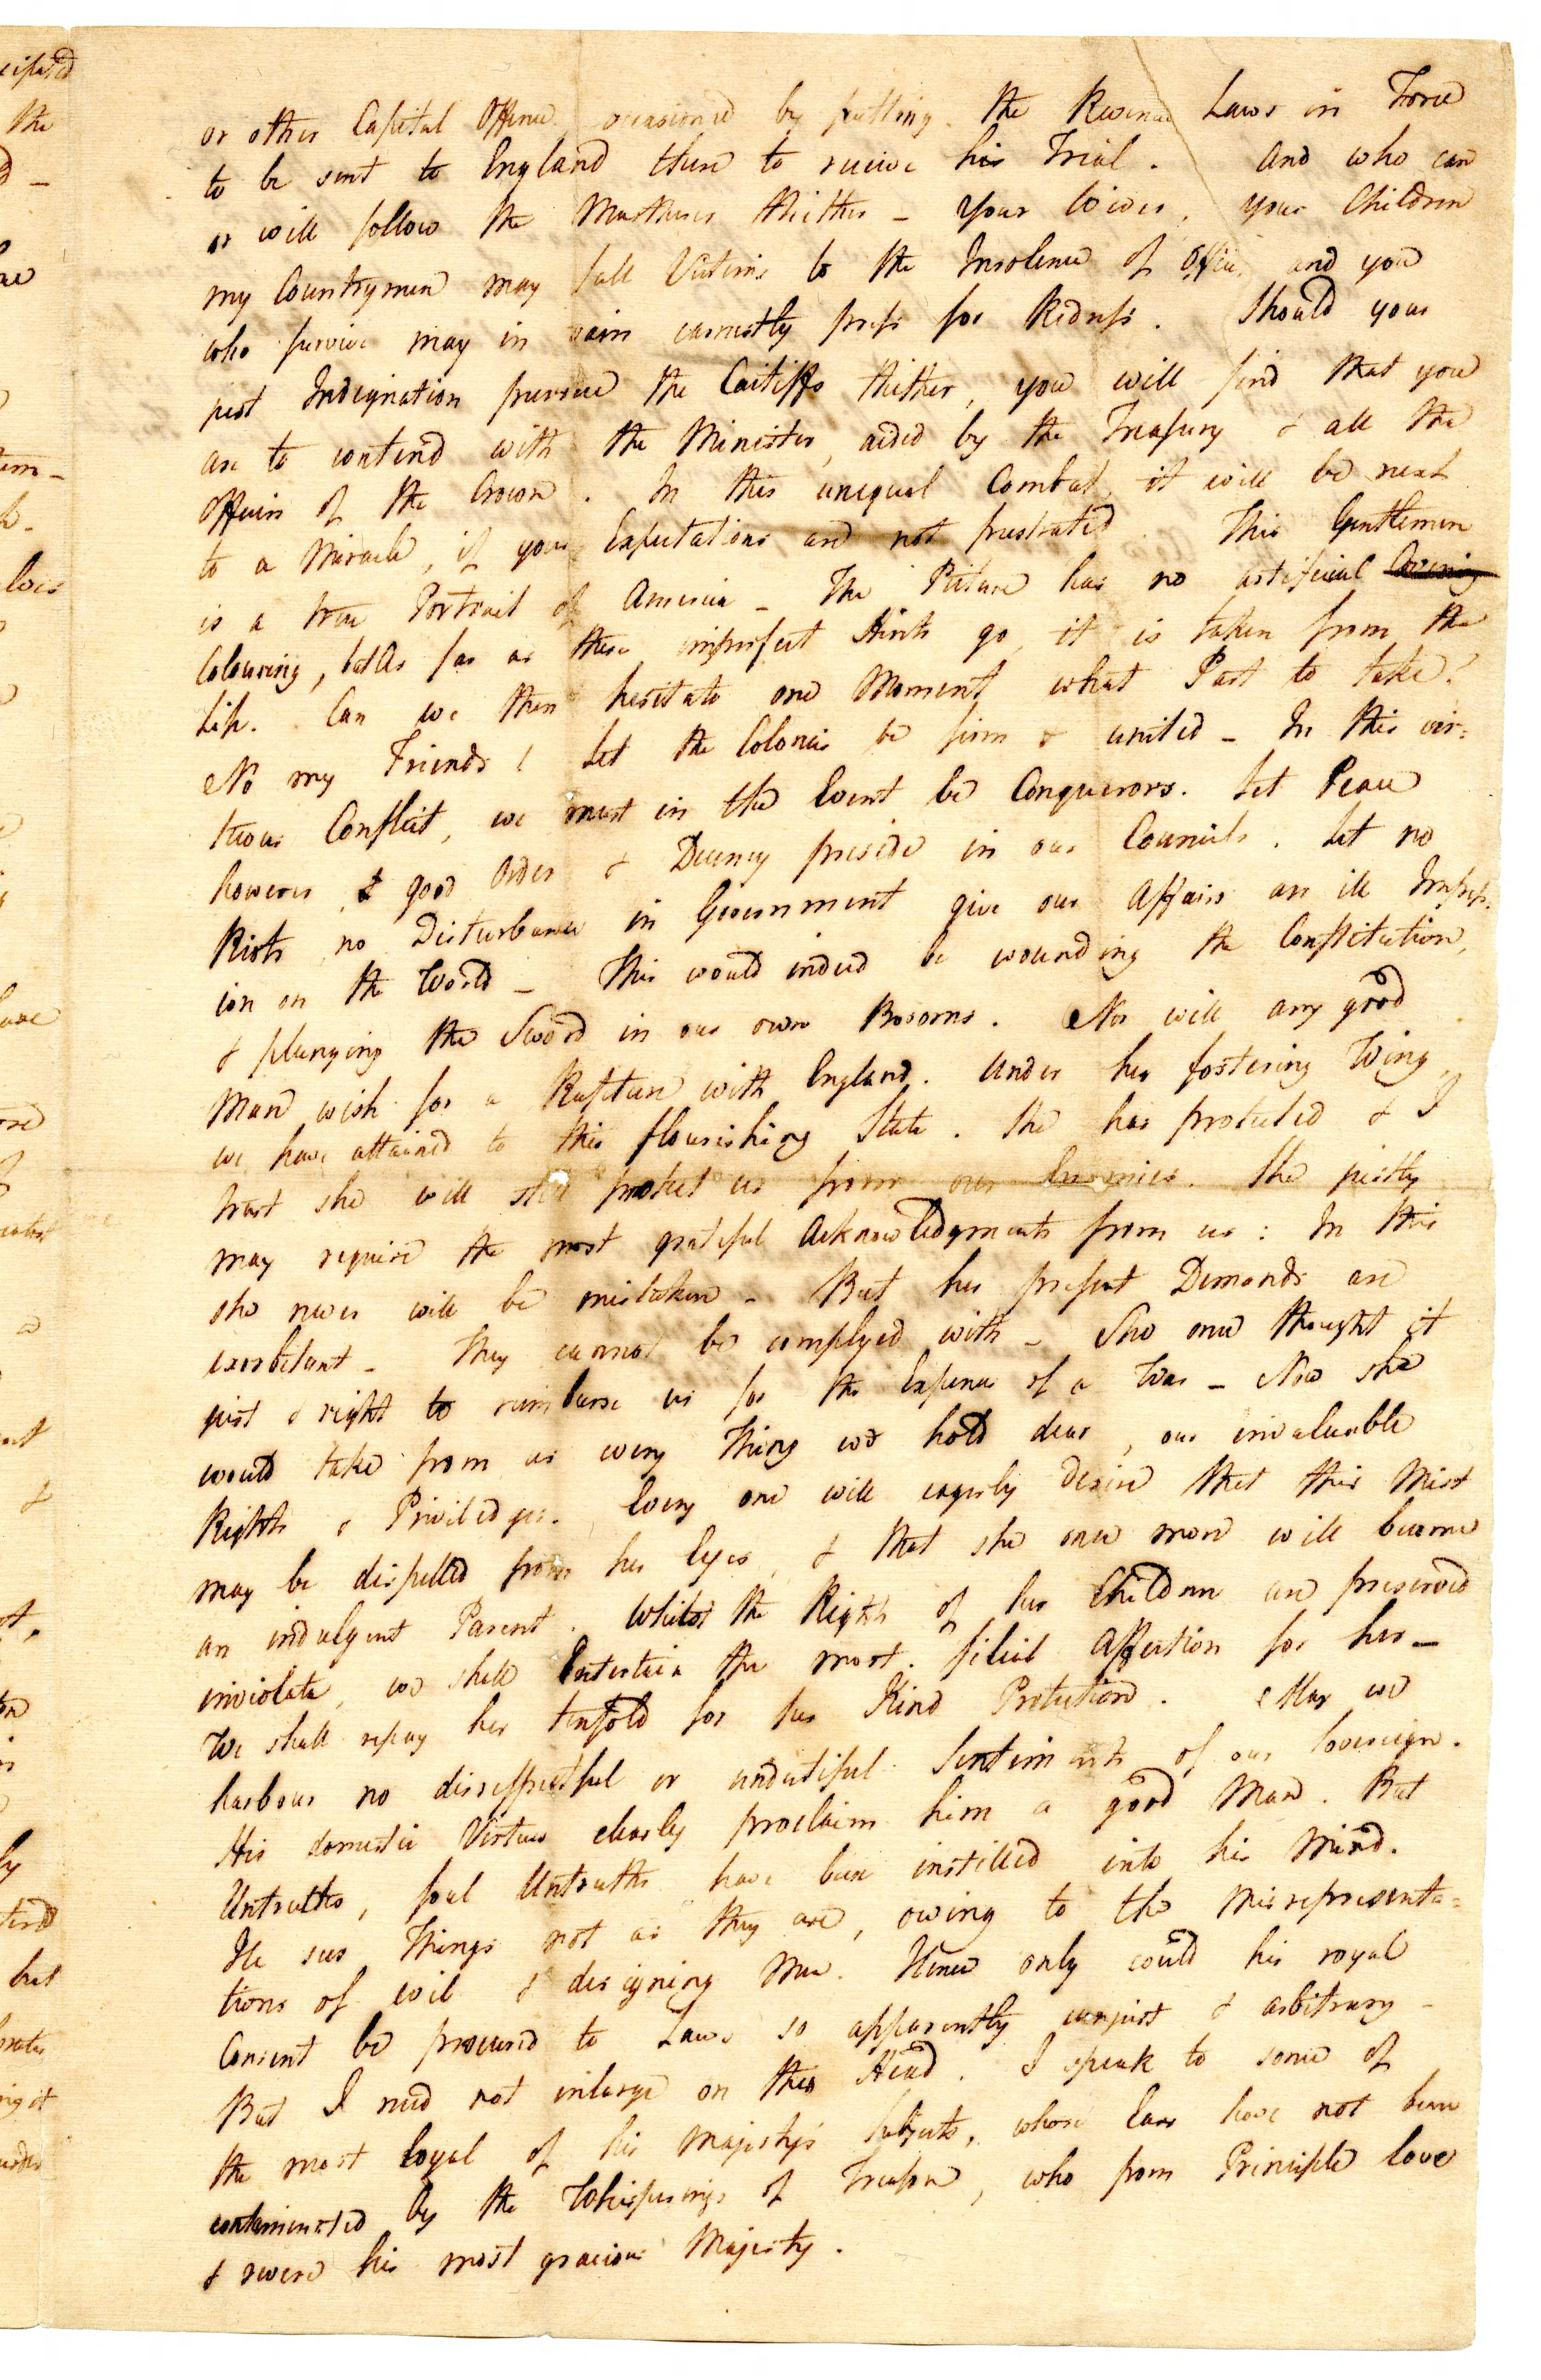or other Capital Offence occasioned by putting the Revenue Laws in Force
to be sent to England there to receive his Trial. And who can
or will follow the Mattheres thither- Your Wives, your children
my Countrymen may fall Victims to the Insolence of Office and you
who survive may in vain earnestly press for Redness. Should your
past Indignation pursue the Caitiffs tither, you will find that you
are to contend with the Minister, aided by the Treasury & all the
Officers of the Crown. In this unequal Combat, it will be next
to a Miracle, if your Expectations are not frustrated. This Gentlemen
is a true Portrait America. The Picture has no artificial [____]
Colouring, but As far as these imperfect Hints go, it is taken from the
Lip. Can we then hesitate one Moment what Part to take?
No my Friends! Let the Colonies be firm & united. In this vir-
-tuous Conflict, we must in the Event be Conquerors. Let Peace
Power us & good Order & Decency preside in our Councils. Let no
Riots no Disturbances in Government give our affairs are ill Impress-
-ion on the World. This would indeed be wounding the Constitution
& plunging the Sword in our own Bosoms. Nor will any good
Man wish for a Restitution with England. Under her fostering wing
we have attained to this flourishing State. She has protected & I
trait she will still protect us from our Enemies.- She peitly
may require to most grateful Acknowledgments from us. In this
she never will be mistaken. But his present Diamonds are
exorbitant. They cannot be complyed with. She once thought it
fwist & right to reimburse us for the Expence of a War. Now she
would take from us every Thing we hold dear, our invaluable
Rights & Priviledges. Every one will eagerly desire that this Mist
may be dispelled from her Eyes, & that she once more will become
an indulgent Parent whilst the Rights of her Children are preserved
inviolate we shall Entertain the most filial Affection for her.
We shall repay her tenfold for her Kind Pretention. May we
harbour no disrespectful or undutiful Sentiment of our Sovereign
His domestic Virtues chasly proclaim him a good Man. But
Untruths, foul Untruths have been instilled into his Mind.
He sees Things not as they are, owing to the Misrepresenta-
tions of evil & designing Men. Hence only could his royal
Consent be procured to Laws so apparently unjust & abitrary
But I need not enlarge on this Head. I speak to some of
the most loyal of his Majesty's Subjects, whose Ears have not been
contaminated by the Whisperings & Treason, who from Principle love
& swore his most gracious Majesty.